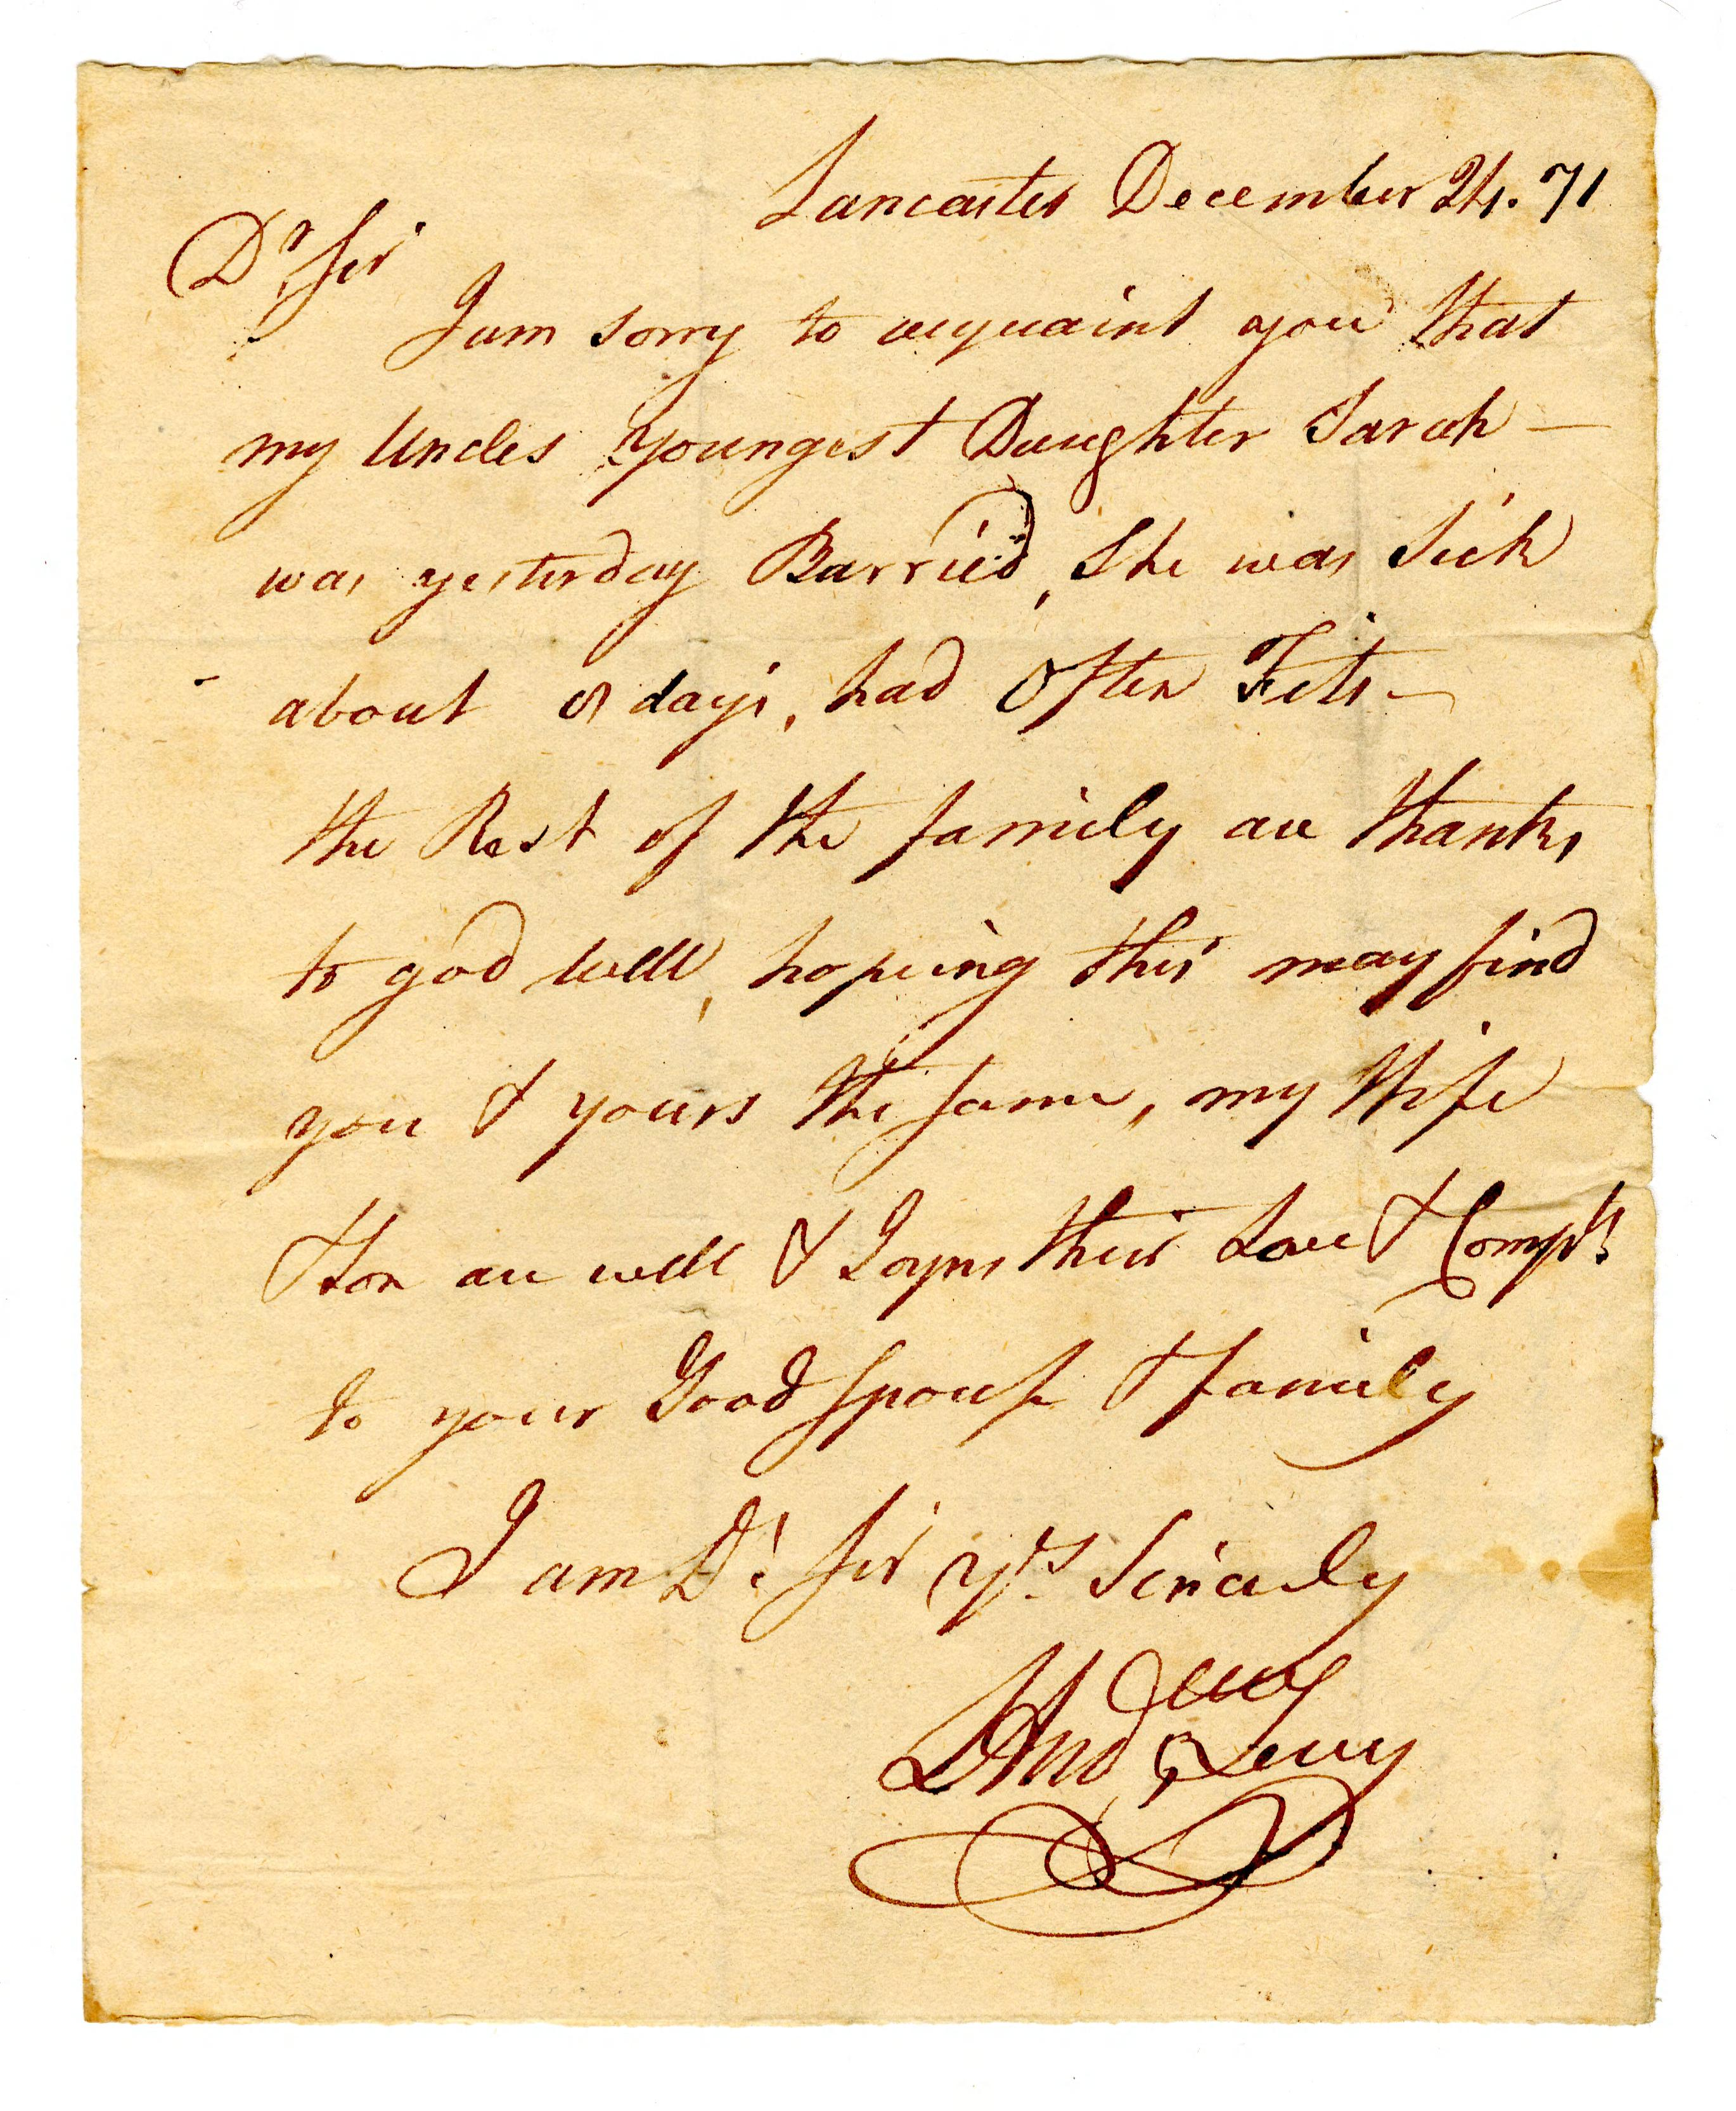Lancaster December 24. 71
D^r. sir
I am sorry to acquaint you that
my Uncles Youngest Daughter Sarah-
was yesterday Burried, She was sick
about 8 day's, had Often Fits-
the Rest of the family are thanks
to god well, hopeing this may find
you & yours the same, my Wife
& son are well & Joyns their love & Comp^ts.
to your Good spouse & family
I am D^r. sir y^rs. Sincerly
And^rew Levy.